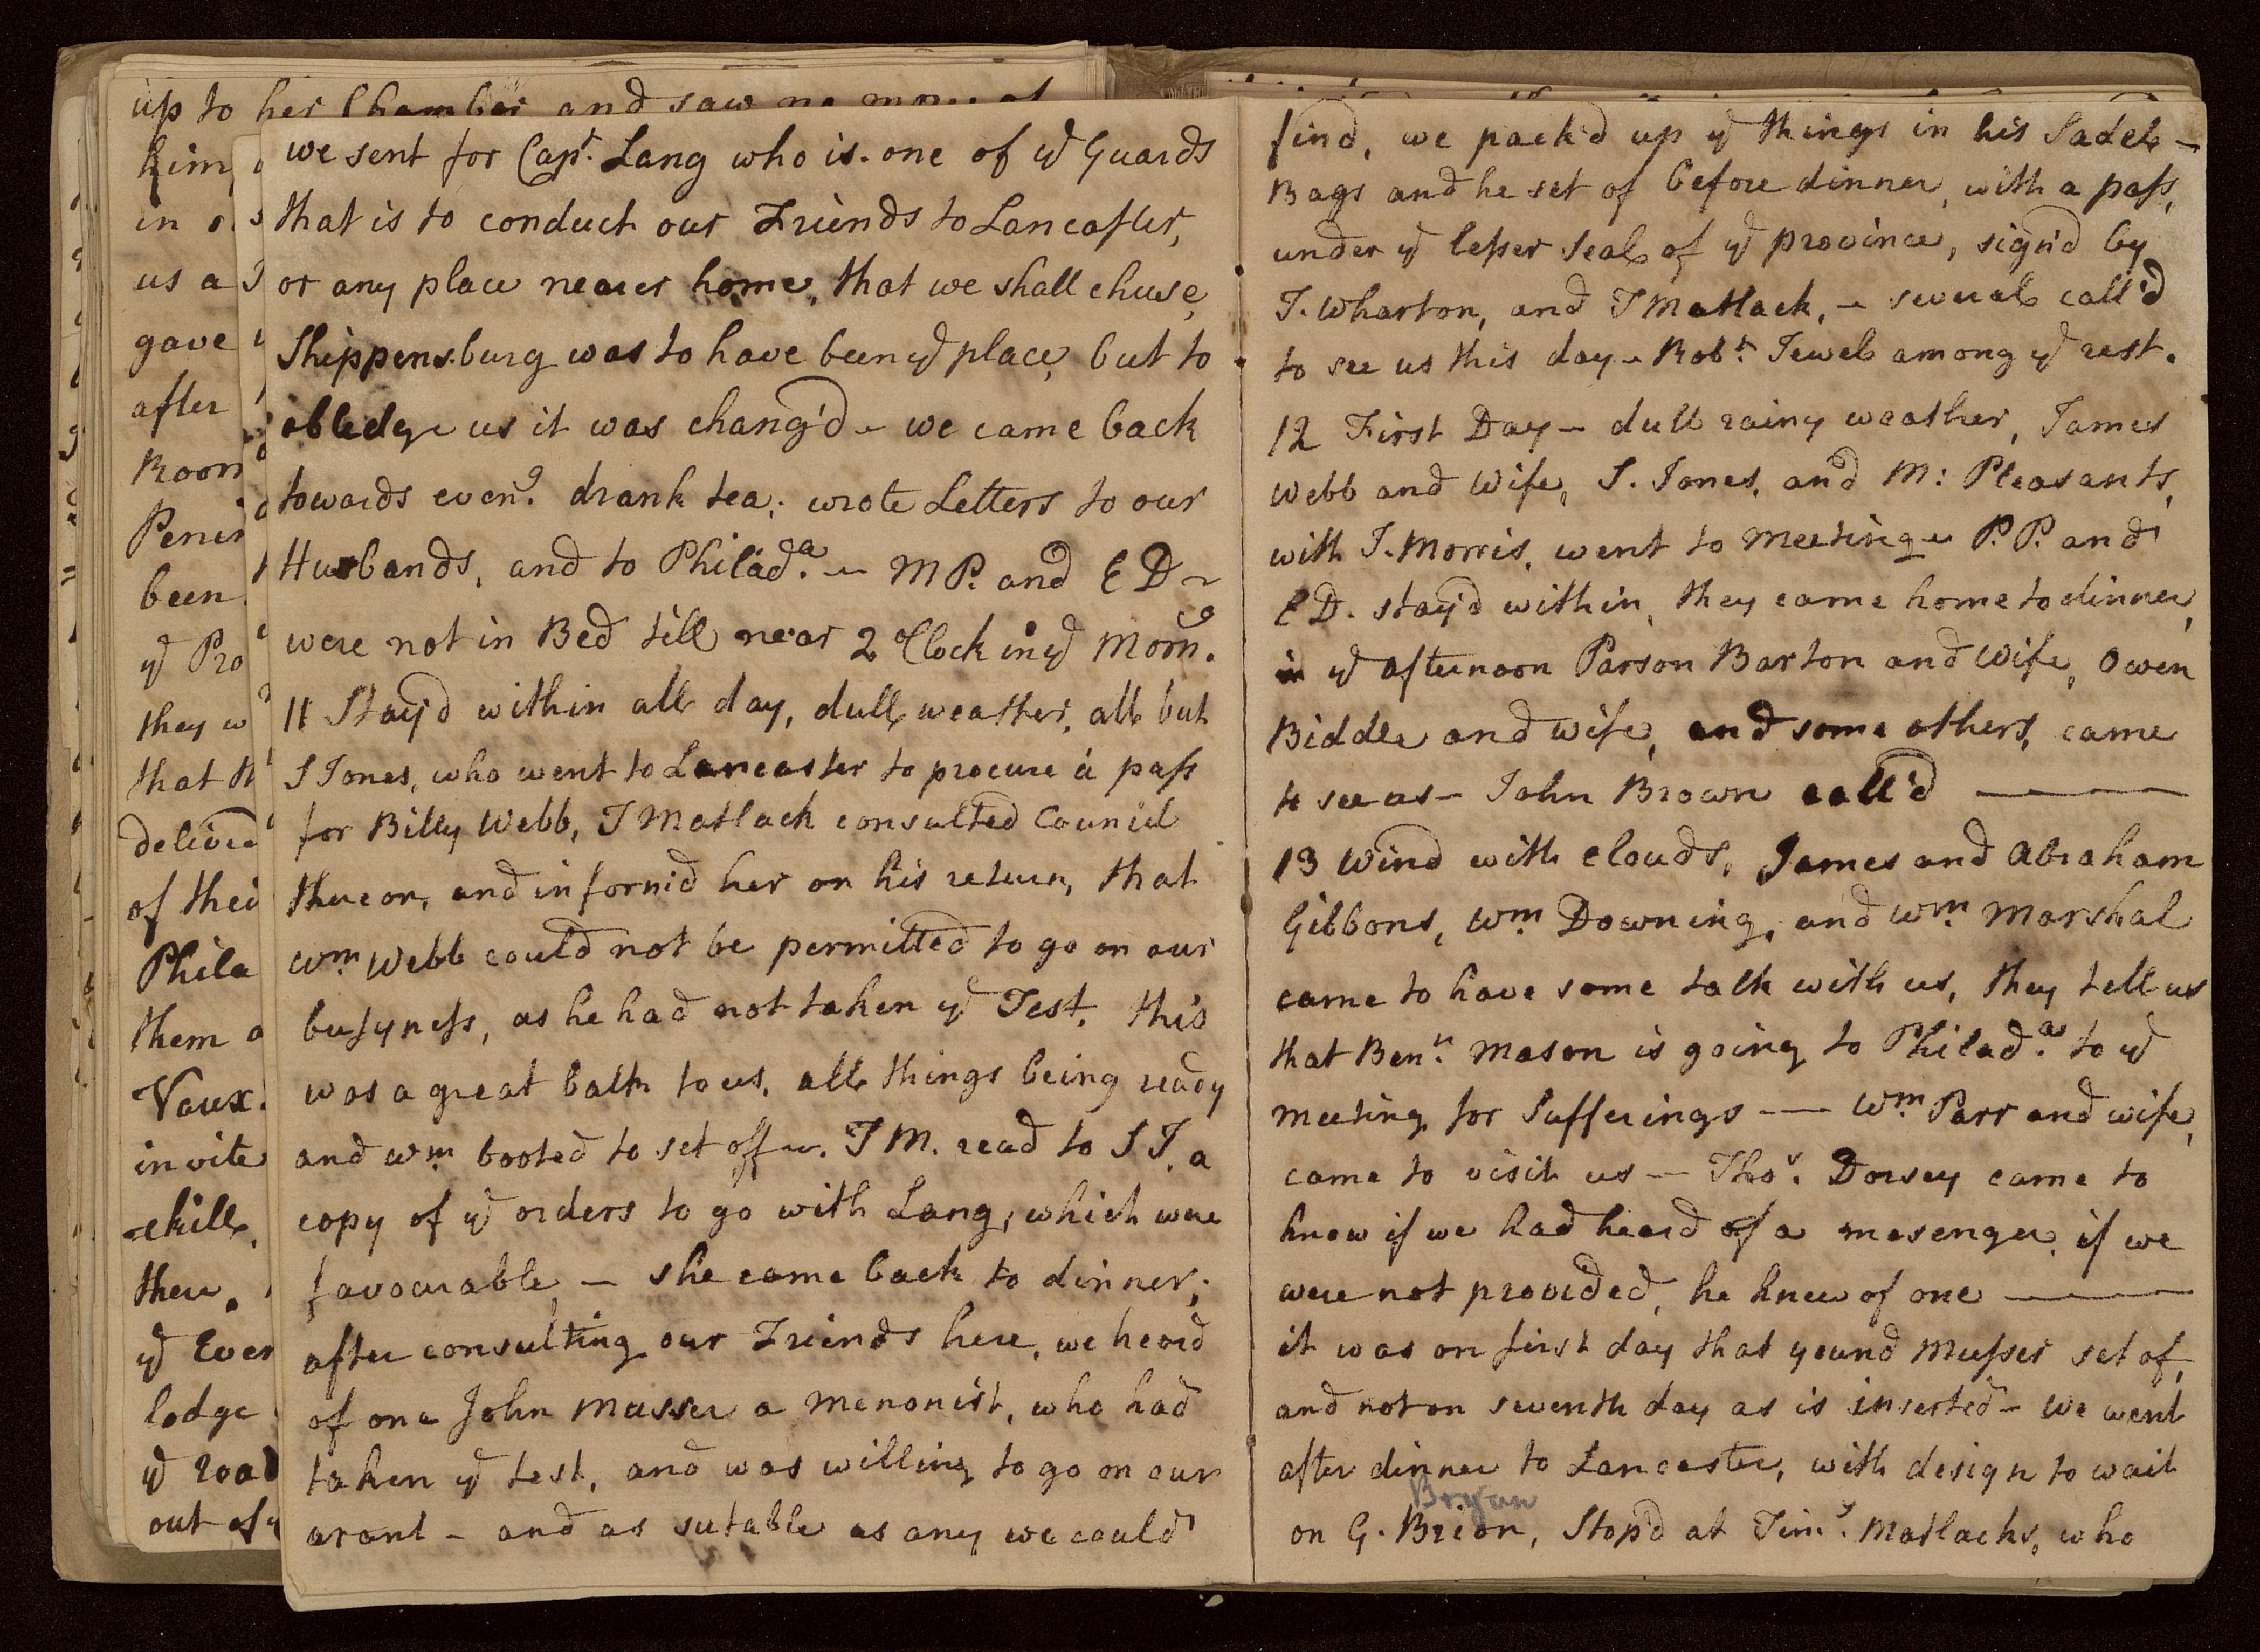we sent for Cap^t. Lang who is. one of y^e Guards
that is to conduct our Friends to Lancaster,
or any place nearer home, that we shall chuse,
Shippensburg was to have been y^e place, but to
oblidge us it was chang'd- we came back
towards even^g. drank tea: wrote Letters to our
Husbands, and to Philad^a.- MP. and E D.
were not in Bed till near 2 ^o Clock in y^e morn^g.
11 Stay'd within al day, dull weather, all but
S Jones, who went to Lancaster to procure a pass
for Billy Webb, T Matlack consulted council
thereon, and inform'd her on his return, that
W^m. Webb could not be permitted to go on our
busyness, as he had not taken y^e Test, this
was a great balm to us, all things being ready
and w^m booted to set of- T M. read to SJ. a
copy of y^e orders to go with Lang, which was
favourable- she came back to dinner;
after consulting our Friends here, we heard
of one John Masser a menonist, who had
taken y^e test, and was willing to go on our
erant- and as sutable as any we could
find, we pack'd up y^e things in his Sadel-
Bags and he set of before dinner, with a pass,
under y^e lesser seal of y^e province, sign'd by
T. Wharton, and T Matlack,- several call'd
to see us this day- Rob^t. Jewel among y^e rest.
12 First Day- dull rainy weather, James
Webb and Wife, S. Jones, and M: Pleasants
with T Morris went to meeting- P. P. and
E D. stay'd within, they came home to dinner,
in y^e afternoon Parson Barton and Wife, Owen
Biddle and wife, and some others, came
to see us- John Brown call'd-
13 wind with clouds, James and Abraham
Gibbons, W^m. Downing, and W^m. Marshal
came to have some talk with us, they tell us
that Ben^r. mason is going to Philad^a. to y^e
meeting for sufferings- W^m. Parr and wife,
came to visit us- Tho^s. Dorsey came to
know if we had heard of a mesenger, if we
were not provided, he knew of one-
it was on first day that yound Musser set of
and not on seventh day as is inserted- we went
after dinner to Lancaster, with design to wait
Bryan
on G. Brion, Stop'd at Tim^y. Matlacks, who